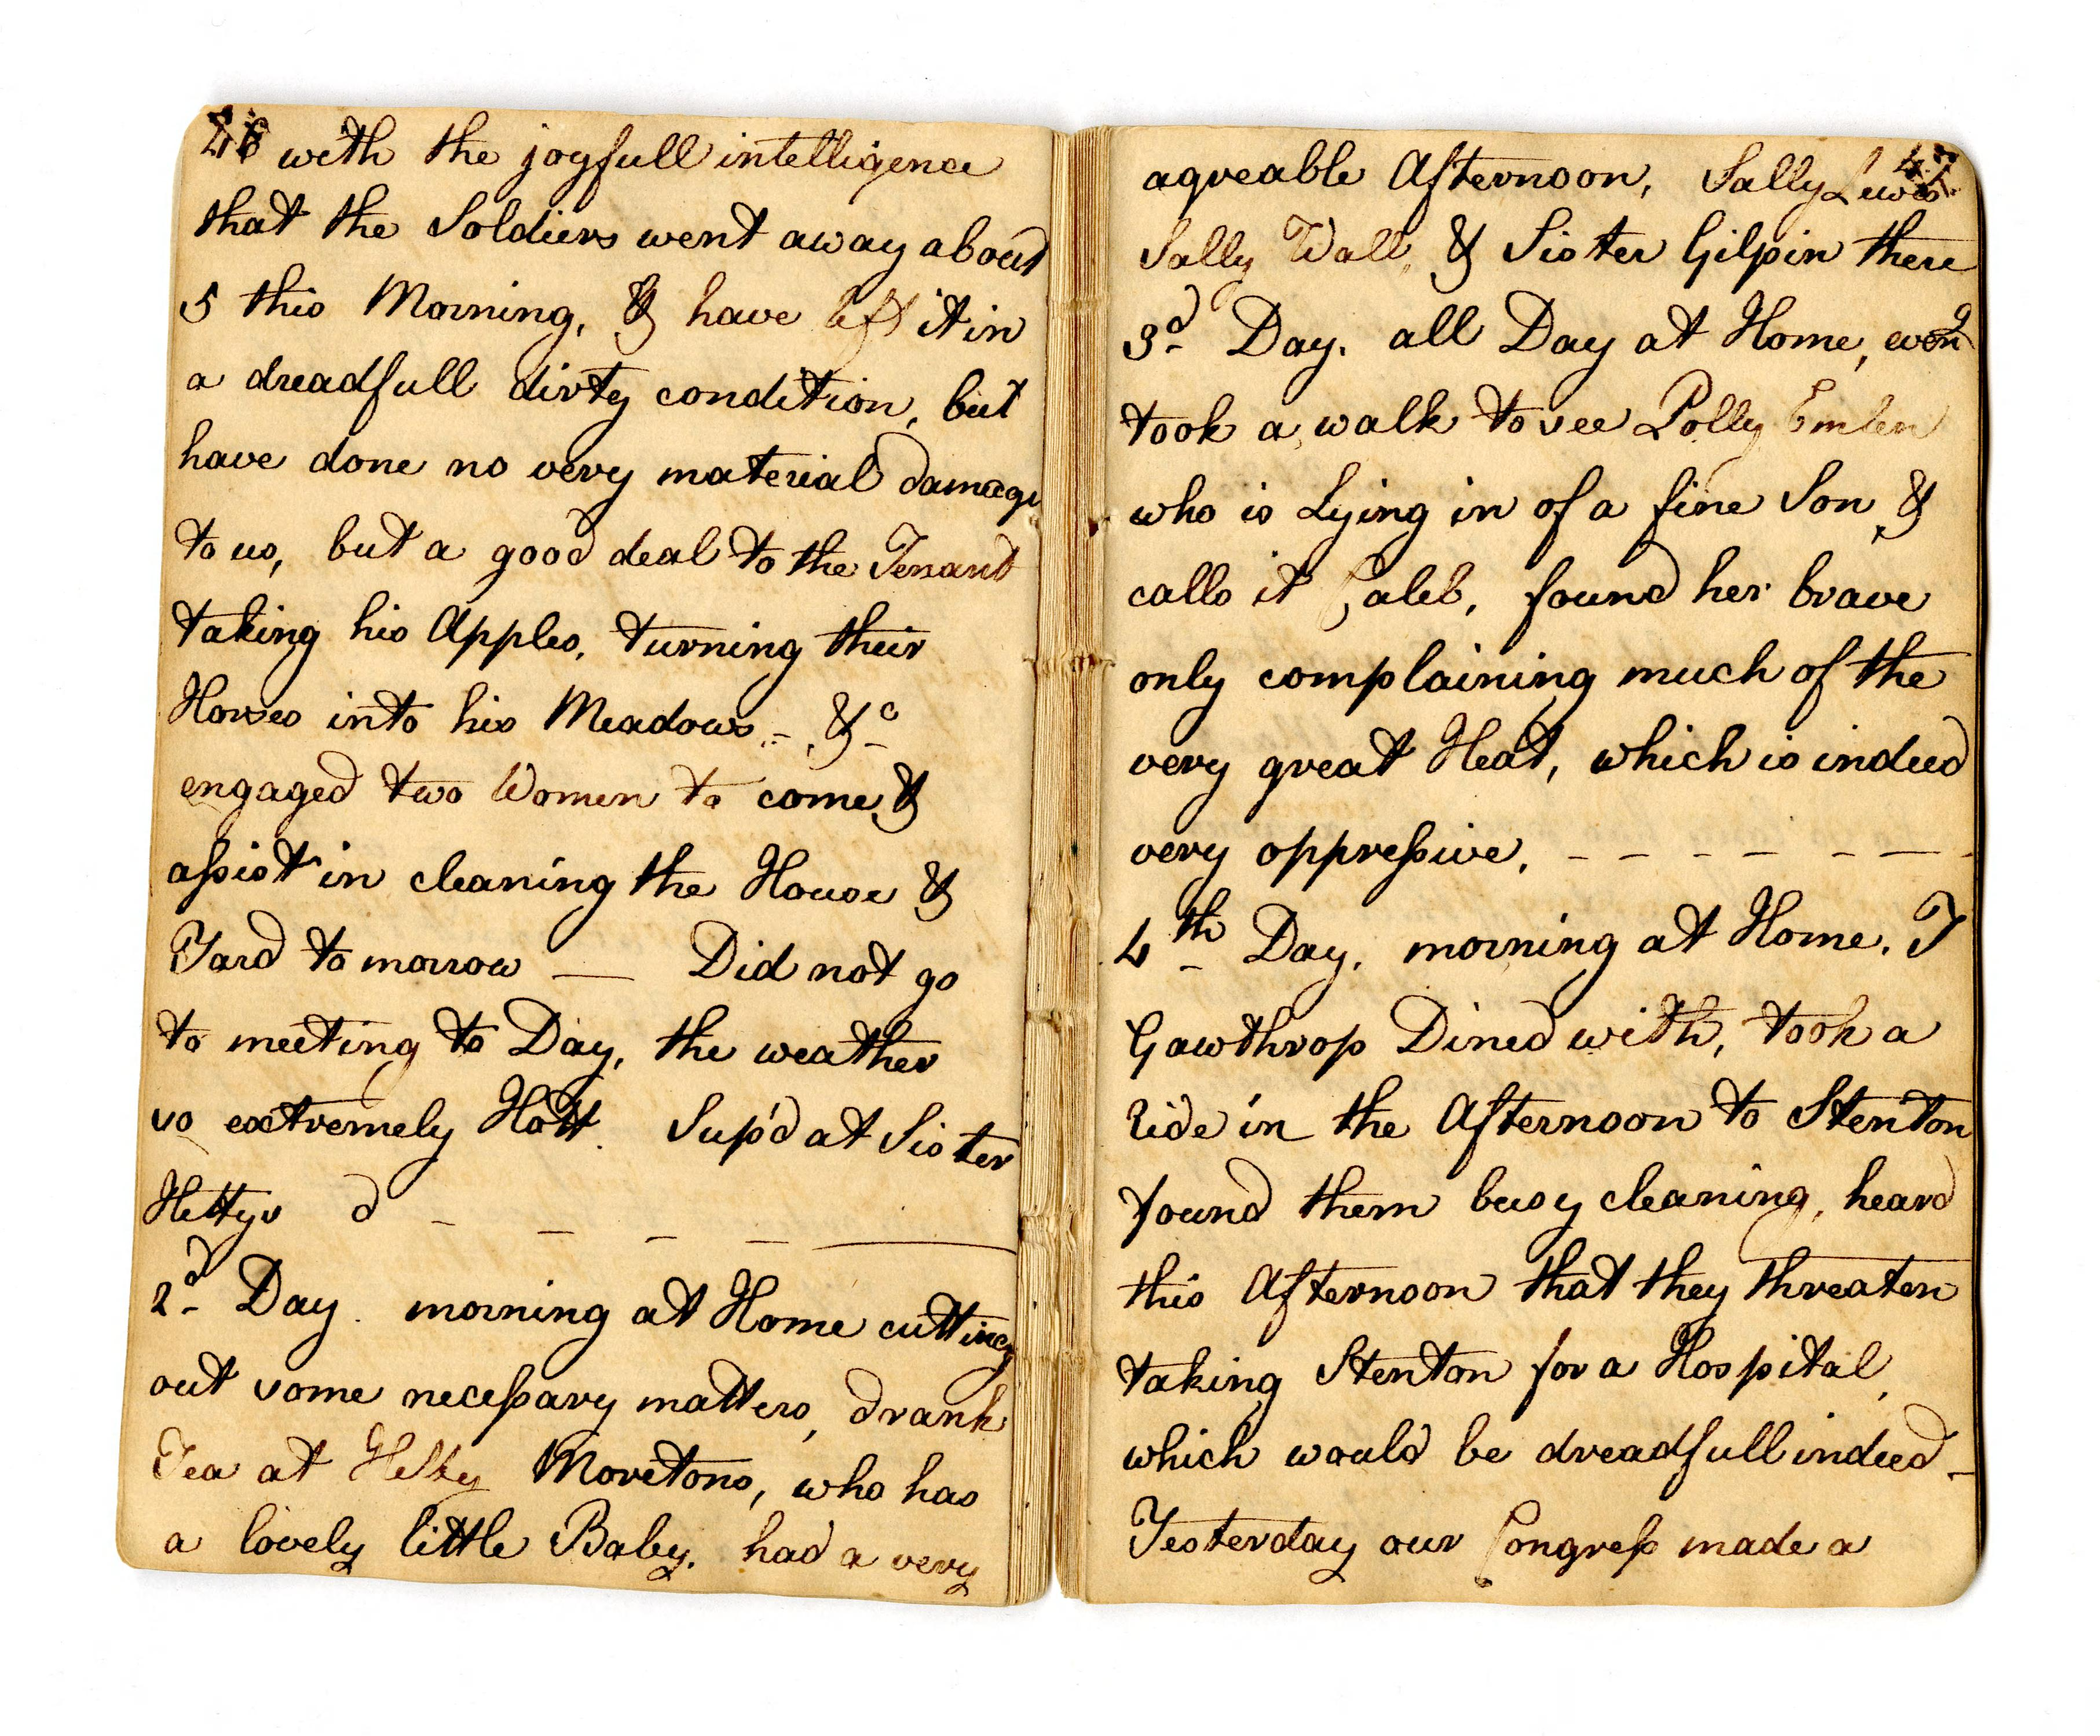with the joyfull intelligence
that the Soldiers went away about
5 this Morning, & have left it in
a dreadfull dirty condition, but
have done no very material damage
to us, but a good deal to the Tenant
taking his Apples, turning their
Horses into his Meadows- &^c
engaged two Women to come &
assist in cleaning the House &
Yard tomorrow- Did not go
to meeting to Day, the weather
so extremely Hott. Sup'd at Sister
Hettys d-
2^d Day. morning at Home cutting
out some necessary matters, drank
Tea at Hetty Moretons, who has
a lovely little Baby. had a very
agreable Afternoon, Sally Lewis
Sally Wall, & Sister Gilpin there
3^d Day. all Day at Home, even^g
took a walk to see Polly Emlen
who is Lying in of a fine Son &
calls it Caleb, found her brave
only complaining much of the
very great Heat, which is indeed
very oppressive.-
4^th Day. morning at Home, T
Gawthrop Dined with, took a
ride in the Afternoon to Stenton
found them busy cleaning, heard
this Afternoon that they threaten
taking Stenton for a Hospital,
which would be dreadfull indeed-
Yesterday our Congress made a